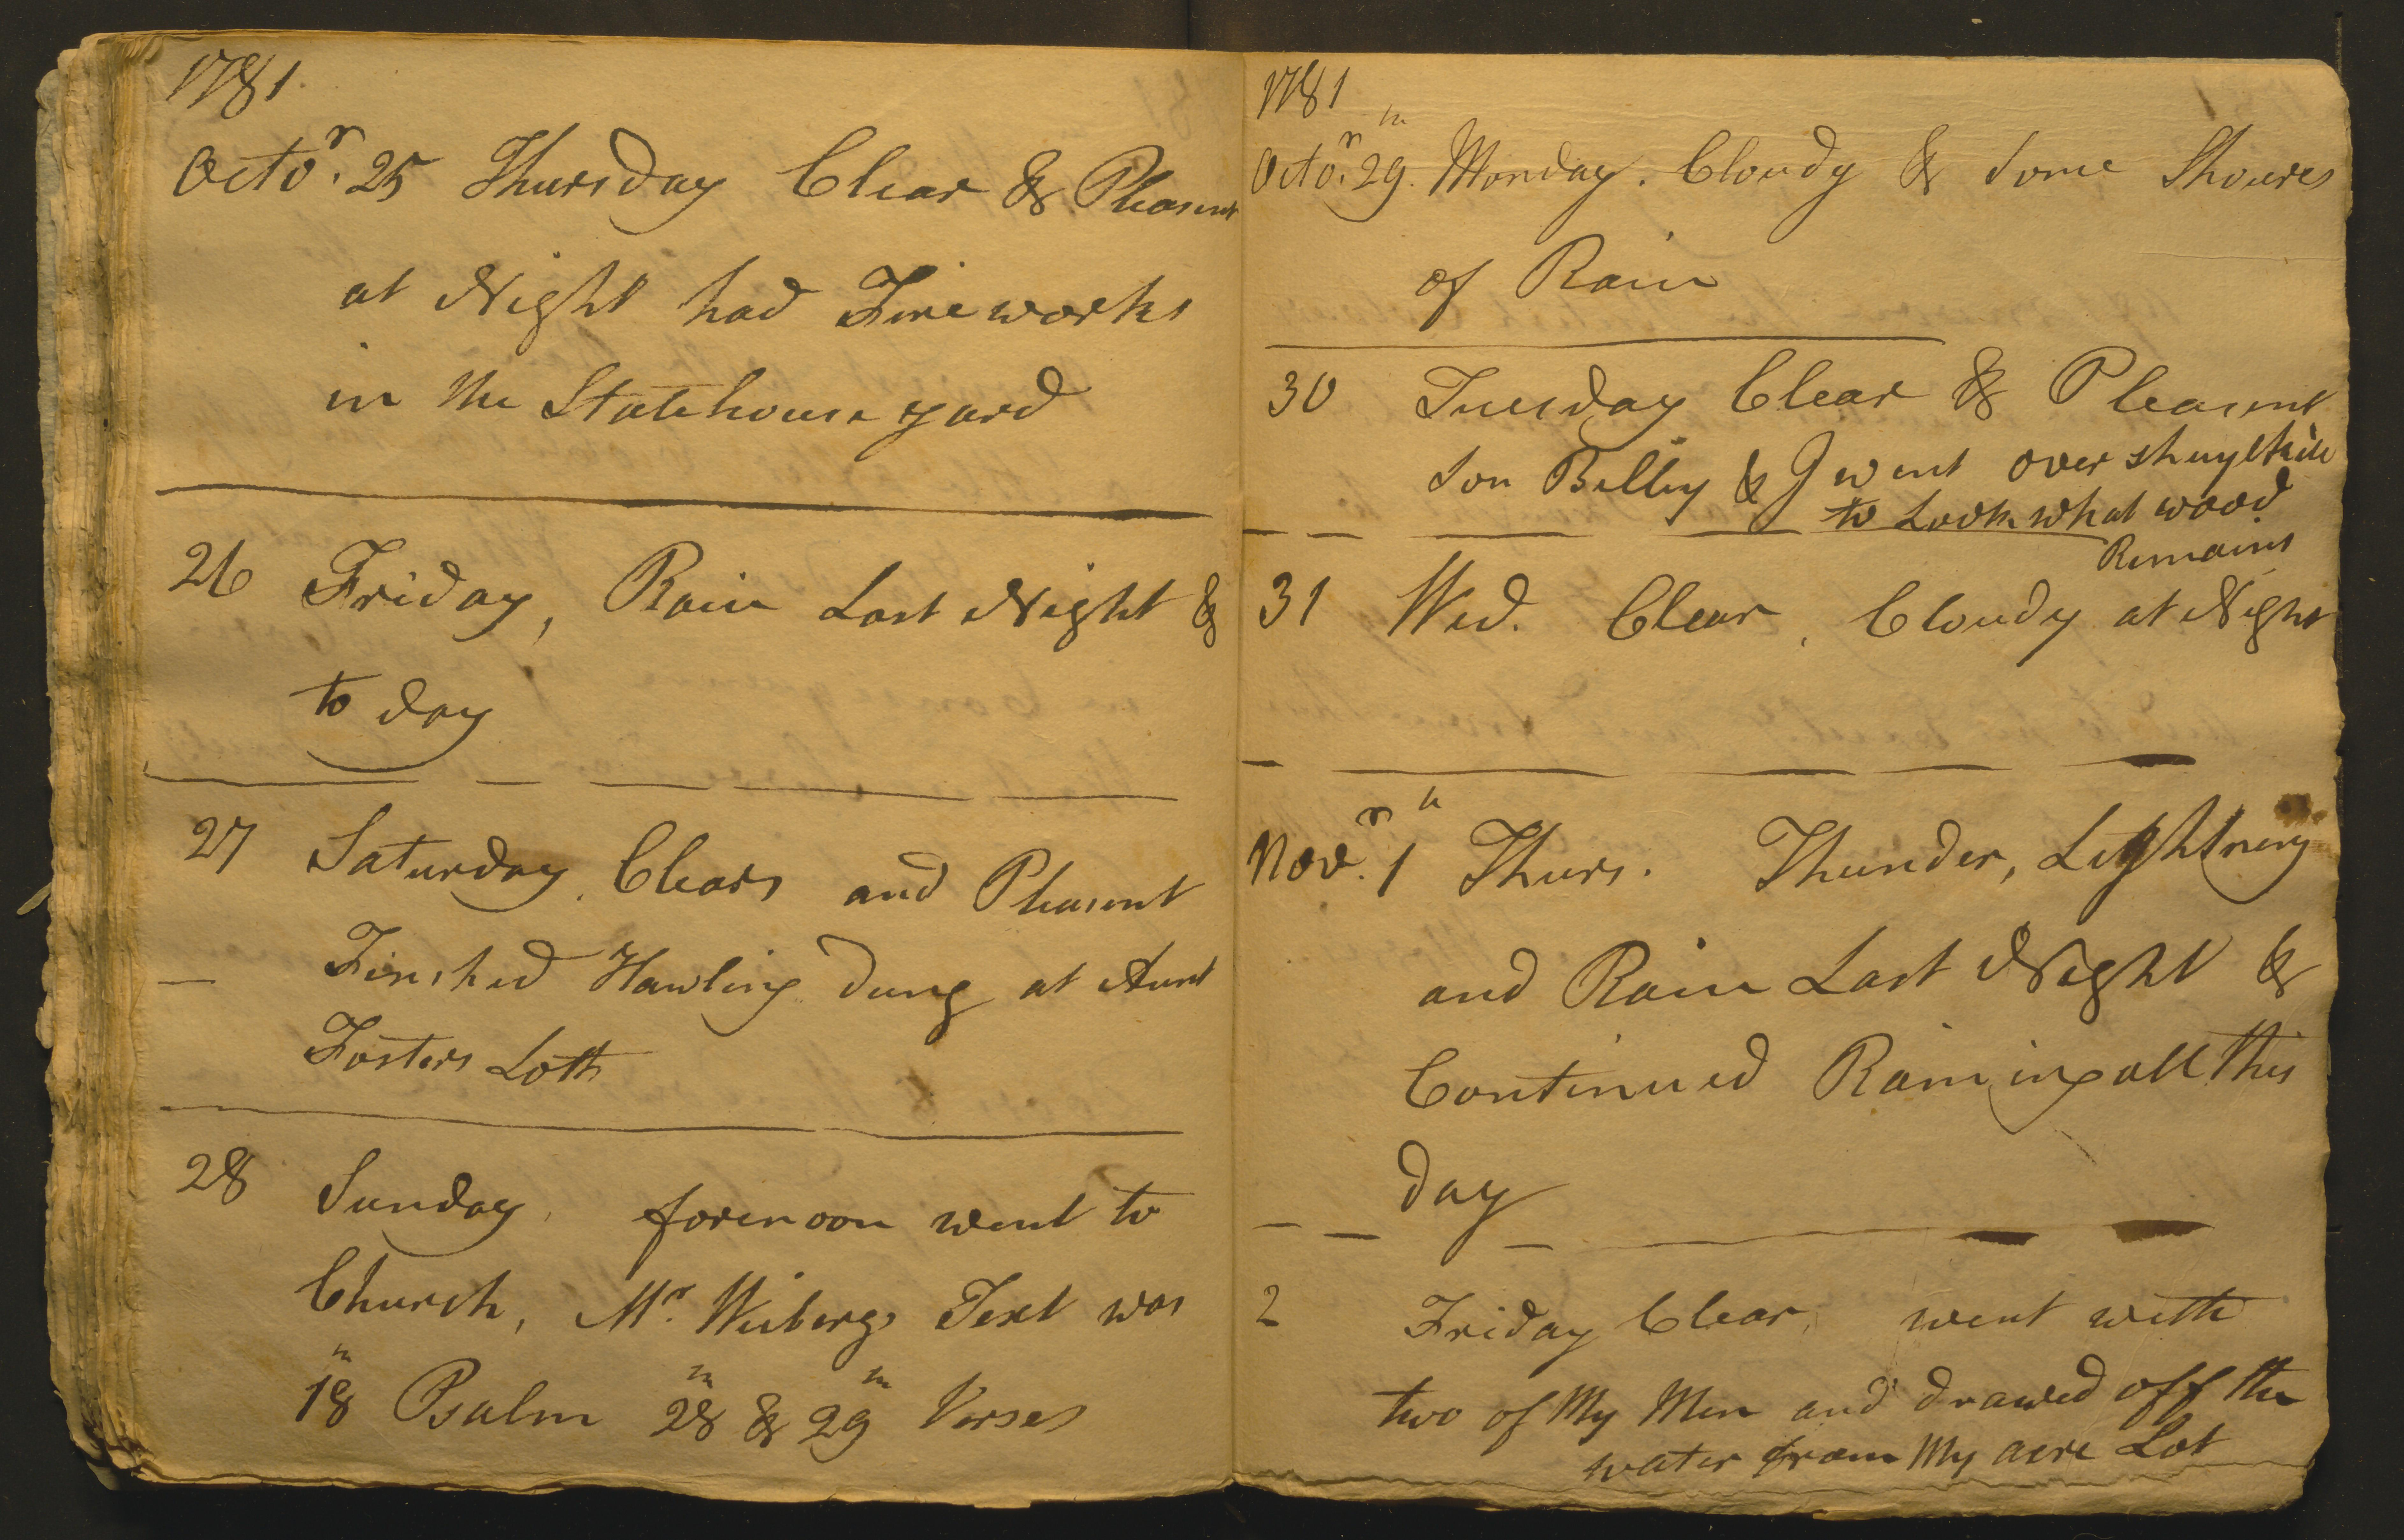1781
Octo^r. 25 Thursday Clear & Pleasent
at Night had Fireworks
in the Statehouse yard
26 Friday Rain Last Night &
to Day
Saturday Clear and Pleasent
Finshed Hawling dung at Aunt
Fosters Lott
28 Sunday, forenoon went to
Church, M^r. Weiberg Text was
18^th Psalm 28^th & 29^th Verses
1781
Octo^r. 29^th. Monday. Cloudy & some Shoures
of Rain
30 Tuesday Clear & Pleasent
Son Billey & I went over shuylkill
to Look what wood
Remains
31 Wed. Clear Cloudy at Neght
Nov^r. 1^h Thurs. Thunder, Lightning
and Rain Last Night &
Continued Raining all this
day
2 Friday Clear, went with
two of My Men and drawed off the
water from My acre Lot